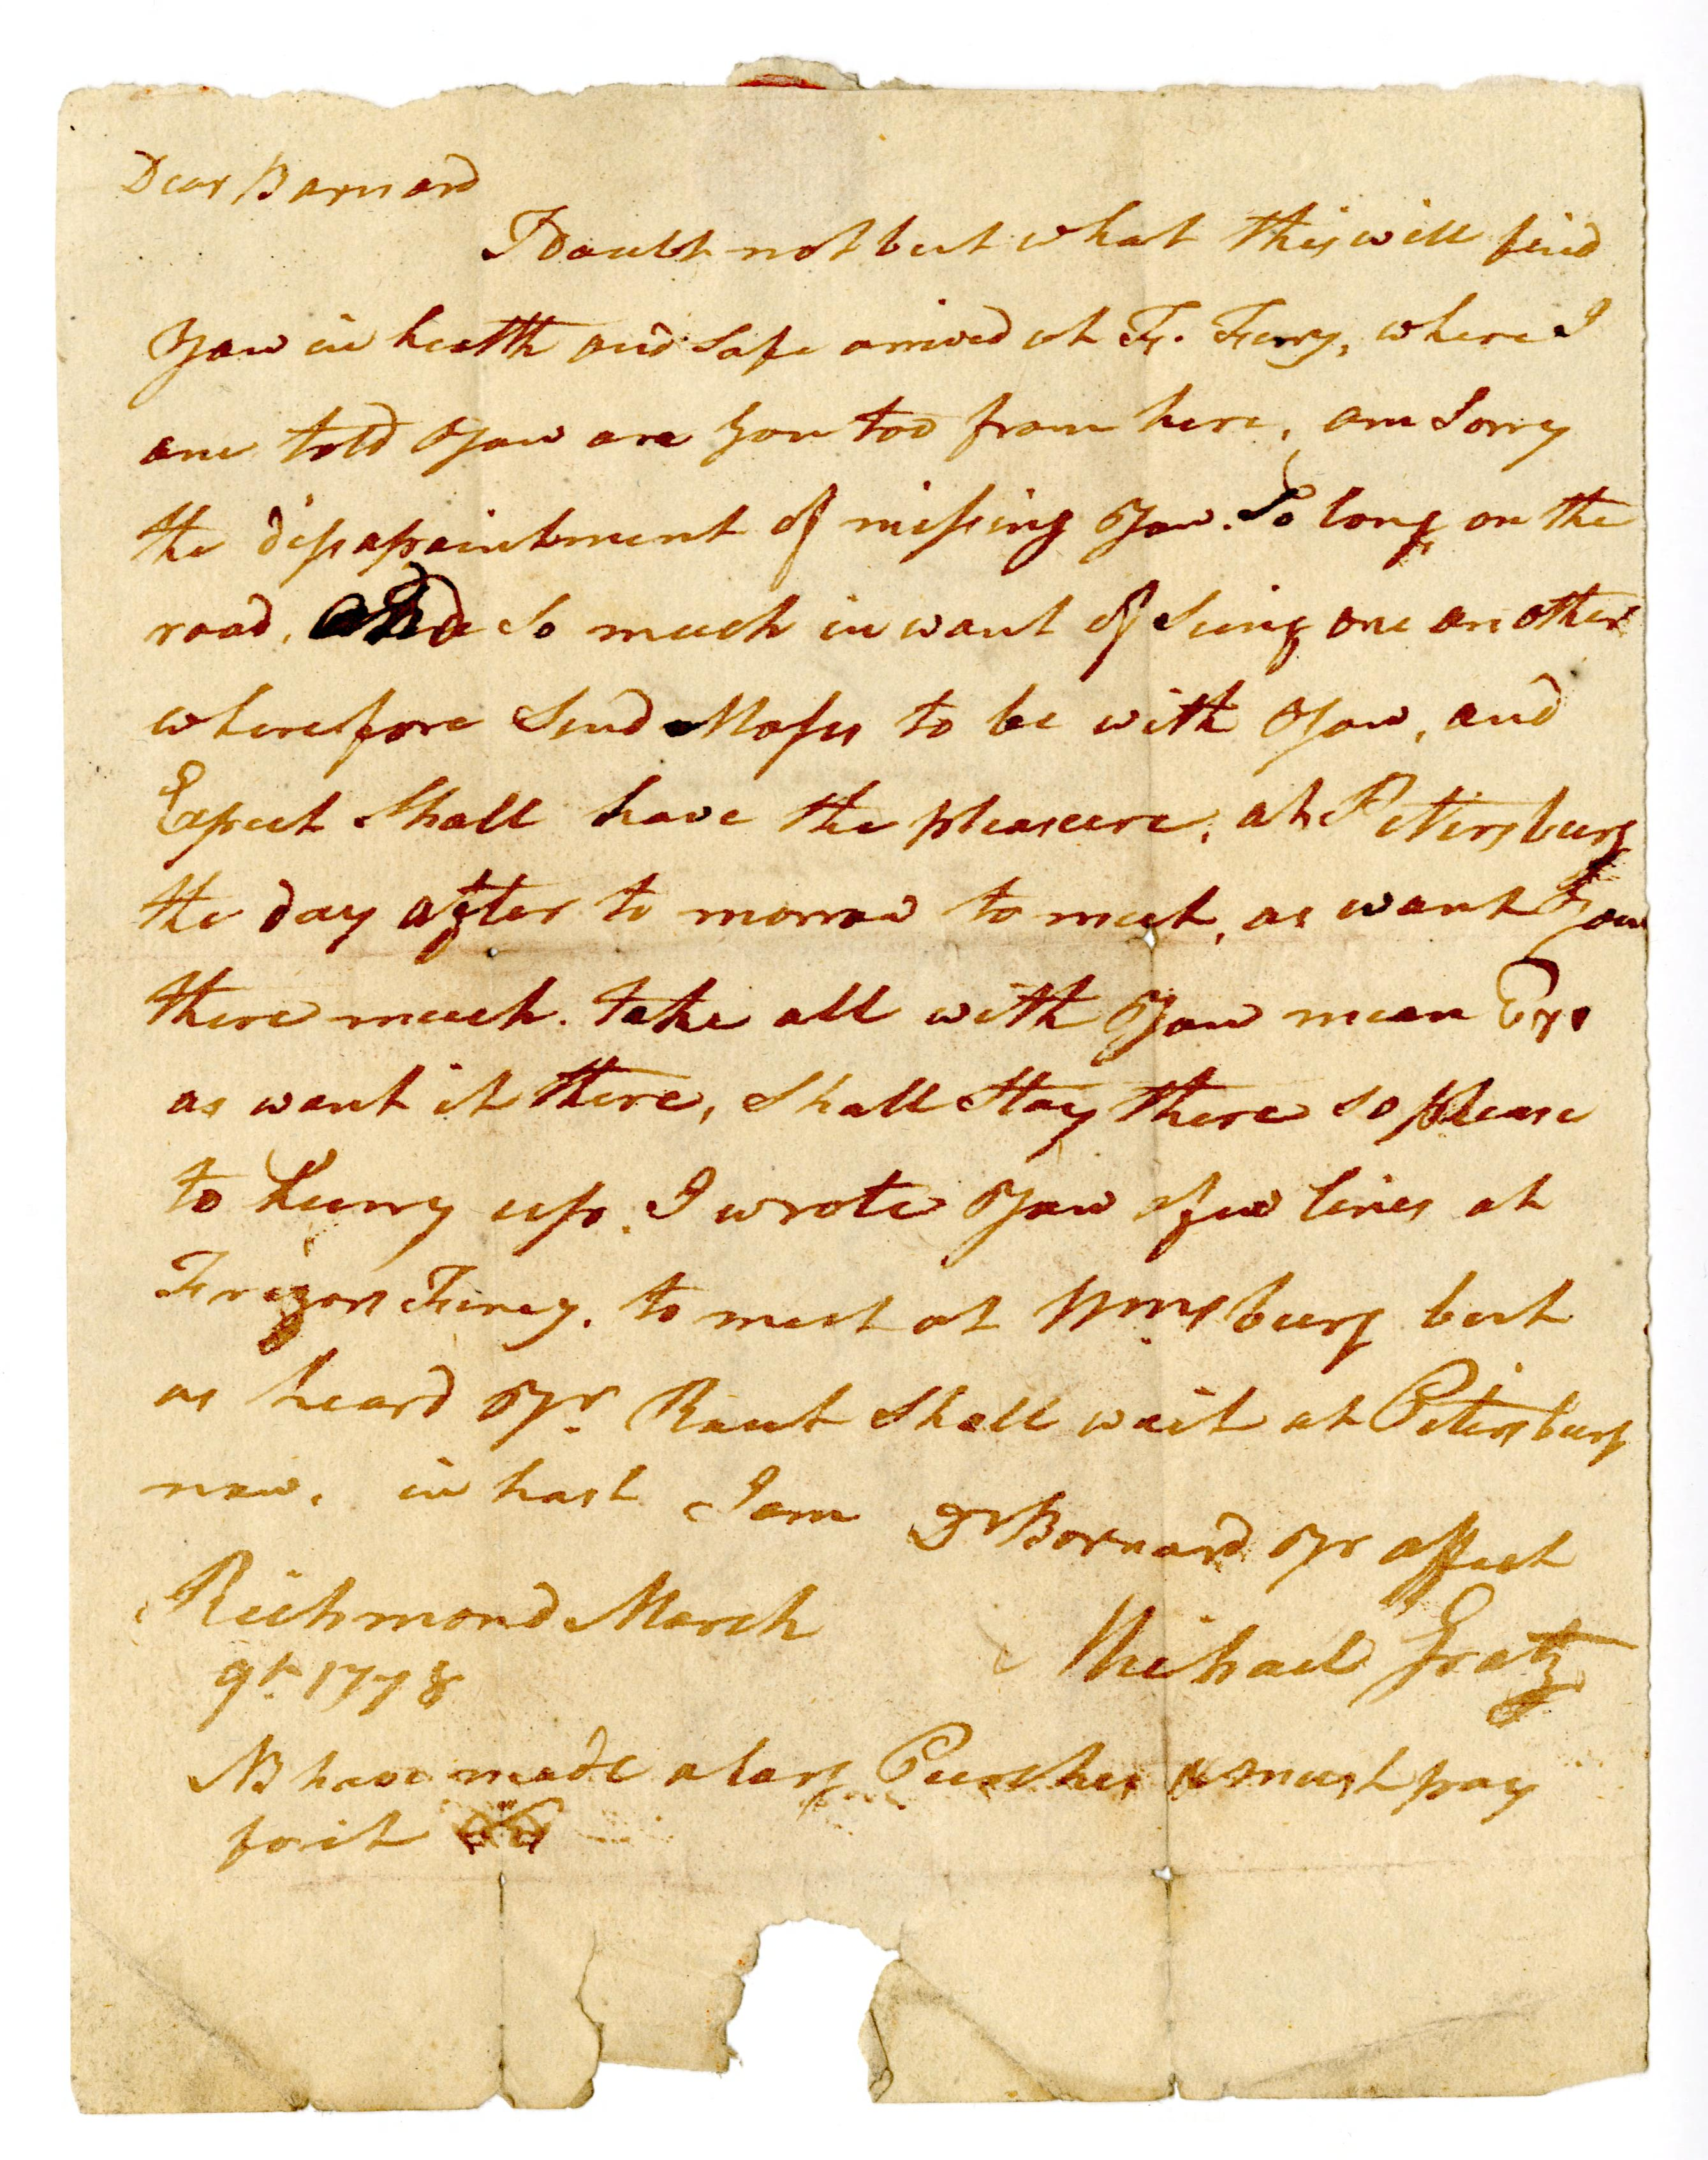Dear Barnard
I doubt not but what this will find
You in health and safe arrived at F. Ferry, where I
am told you are gone too from here, am Sorry
the dissapointment of missing you. To long on the
road and So much in want of seing one another
wherefore Send Moses to be with you, and
Expect shall have the pleasure, at Petersburg
the day after to morrow to meet, as want You
there much. Take all with you mean Ere
as want it there, shall Stay there so please
to hurry up. I wrote you a few lines at
Frazers Ferry to meet at W^msburg best
as heard y^r Rout shall wait at Petersburg
now. in hast
I am D^r Barnard y^r affect
Michael Gratz
Richmond March
9^t. 1778
NB have made a larg Purchase & must pay
for it